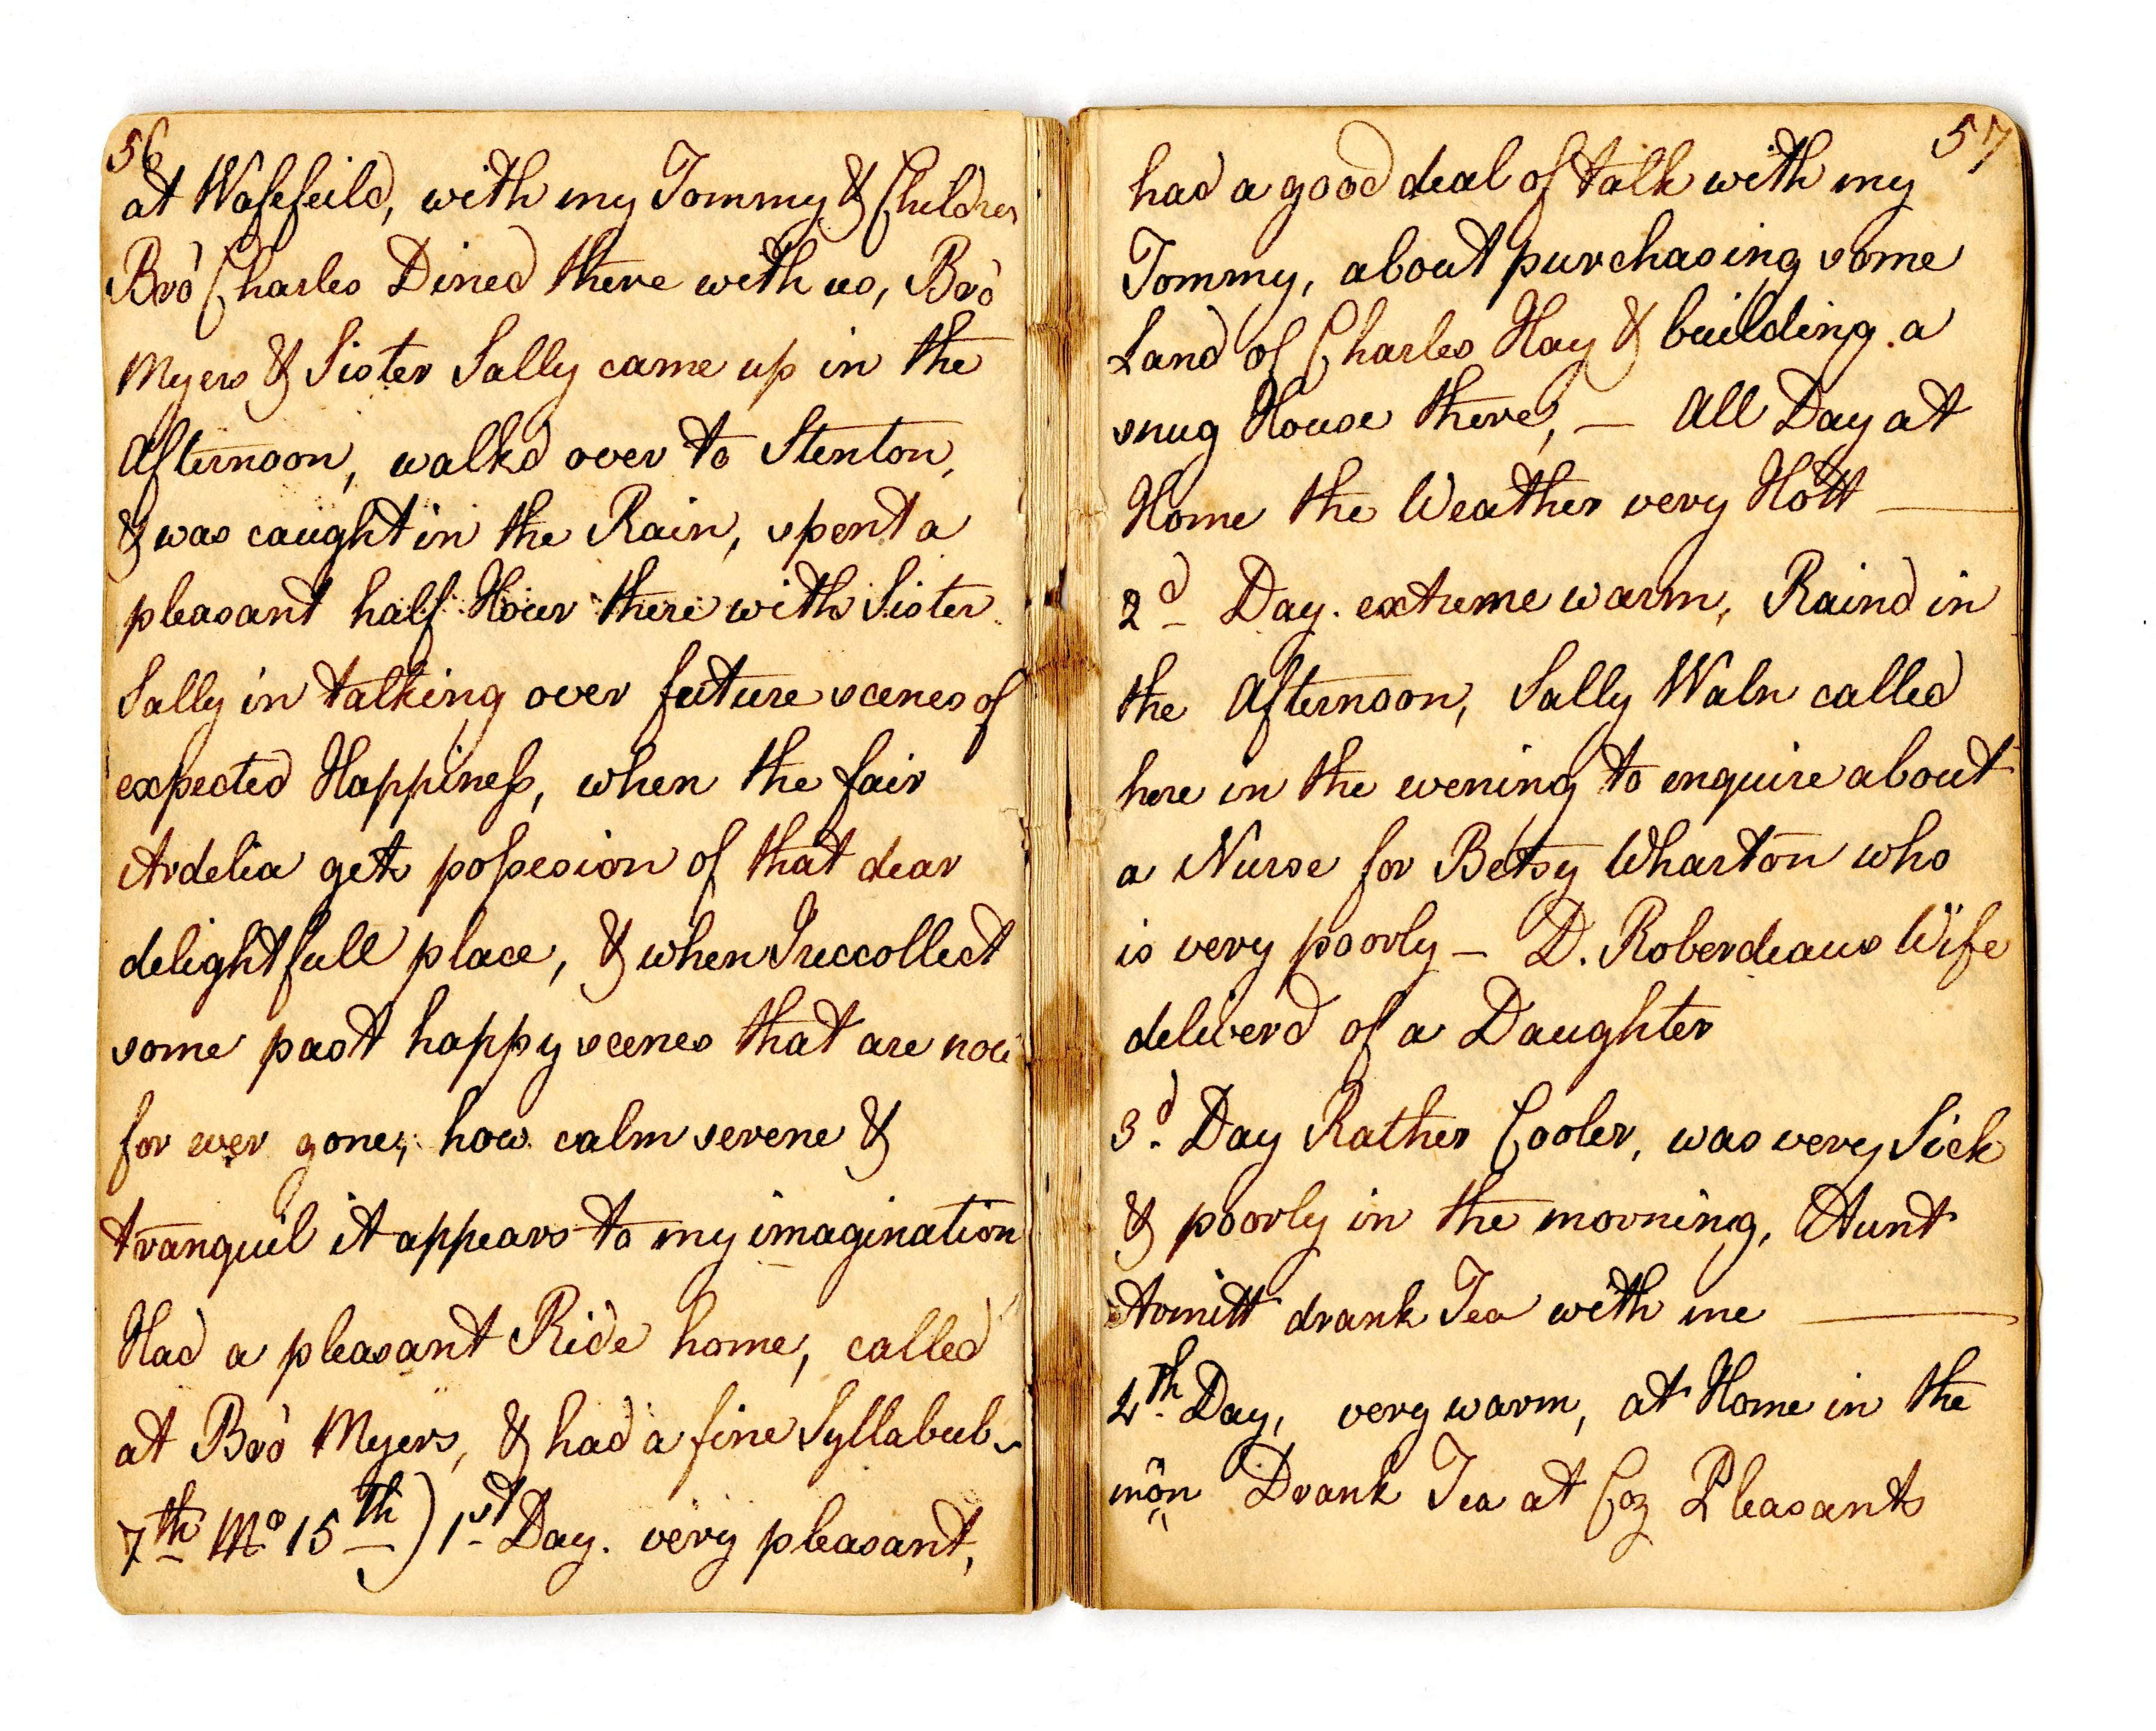at Wafefeild, with my Tommy & Children
Bro' Charles Dined there with us, Bro'
Myers & Sister Sally came up in the
Afternoon, walkd over to Stenton,
& was caught in the Rain, spent a
pleasant half Hour there with Sister
Sally in talking over future scenes of
expected Happiness, when the fair
Ardelia gets possesion of that dear
delightfull place, & when I reccollect
some past happy scenes that are now
for ever gone, how calm serene &
tranquil it appears to my imagination
Had a pleasant Ride home, called
at Bro' Myers, & had a fine Syllabubs
7^th M^o 15^th) 1^st Day, very pleasant
had a good deal of talk with my
Tommy, about purchasing some
Land of Charles Hay & building a
snug House there,- All Day at
Home the Weather very Hott
2^d Day. extreme warm, Raind in
the Afternoon, Sally Waln called
here in the evening to enquire about
a Nurse for Betsy Wharton who
is very poorly- D. Roberdeaus Wife
deliverd of a Daughter
3^d. Day Rather Cooler, was very Sick
& poorly in the morning, Aunt
Armitt drank Tea with me
4^th Day, very warm, at Home in the
mo^rn Drank Tea at Coz Pleasants